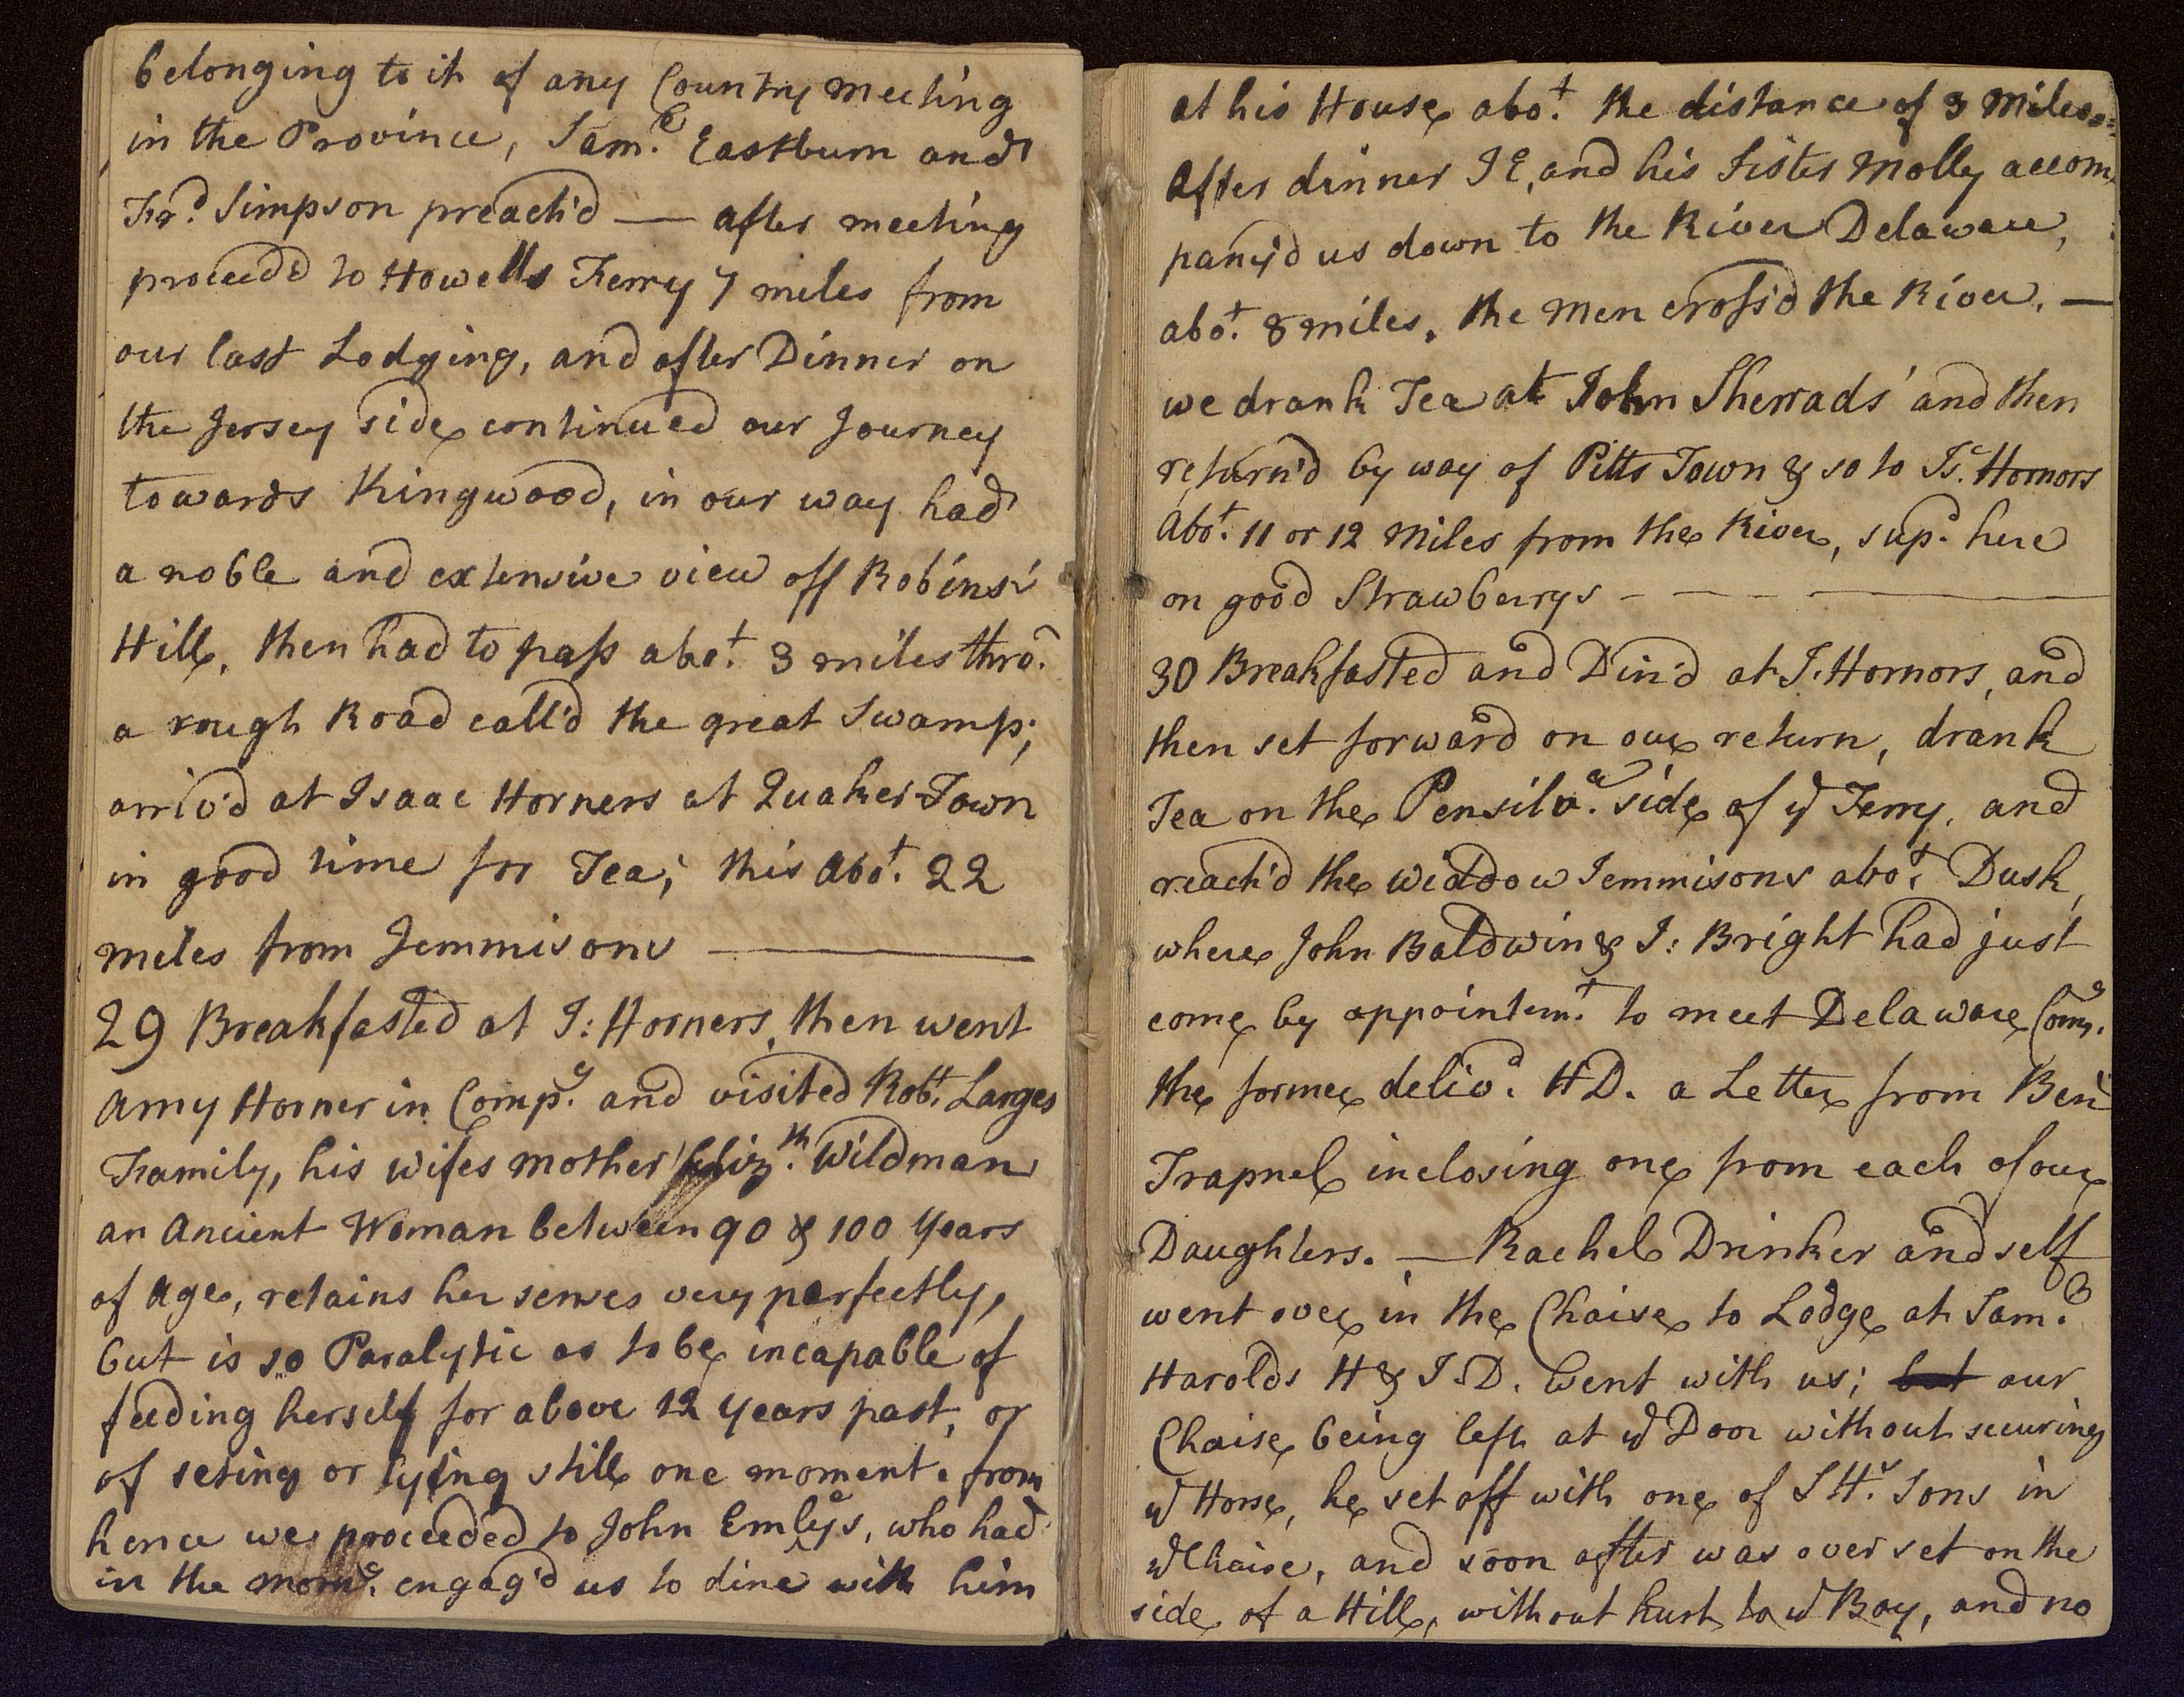belonging to it if any Country meeting
in the Province, Sam^l. Eastburn and
Fr^d. Simpson preach'd- after meeting
proceed'd to Howells Ferry 7 miles from
our last Lodging, and after Dinner on
the Jersey side continued our Journey
to wards Kingwood, in our way had
a noble and extensive view off Robins's
Hill, then had to pass abo^t 3 miles thro'
a rough Road call'd the great Swamp;
arriv'd at Isaac Horners at Quaker Town
in good time for Tea; this abo^t. 2 2
miles from Jemmisons-
29 Breakfasted at I: Horners then went
Amy Horner in Comp^y. and visited Rob^t. Larges
Family, his wifes mother Eliz^th. Wildman
an Ancient Woman between 90 & 100 years
of Age, retains her senses very perfectly,
but is so Paralytic as to be incapable of
feeding herself for above 12 years past, or
of seting or lying still one moments. from
hence we proceeded to John Eml^eys, who had
in the morn^g. engag'd us to dine with him
at his House abo^t. the distance of 3 Miles
After dinner I E, and his Sister Molly accom
pany'd us down to the River Delaware,
abo^t. 8 miles, the men cross'd the River,-
we drank Tea at John Sherrads' and then
return'd by way of Pitts Town & so to Is^c. Hornors
abo^t. 11 or 12 Miles from the River, sup^d. here
on good Strawberrys-
30 Breakfasted and Din'd at S. Hornors, and
then set forward on our return, drank
Tea on the Pensilv^a. side of y^e Ferry, and
reach'd the Widdow Jemmisons abo^t. Dusk,
where John Baldwin & I: Bright had just
come by appointem^t. to meet Delaware Comp^y.
the former deliv^d. H D. a Letter from Ben
Trapnel inclosing one from each of our
Daughters.- Rachel Drinker and self
went over in the Chaise to Lodge at Sam^l.
Harolds H & ID. went with us; [but] our,
Chaise being left at y^e Door without securing
y^e Horse, he set off with one of IH^s. Sons in
y^e Chaise, and soon after was over set on the
side of a Hill, without hurt to y^e Bay, and no